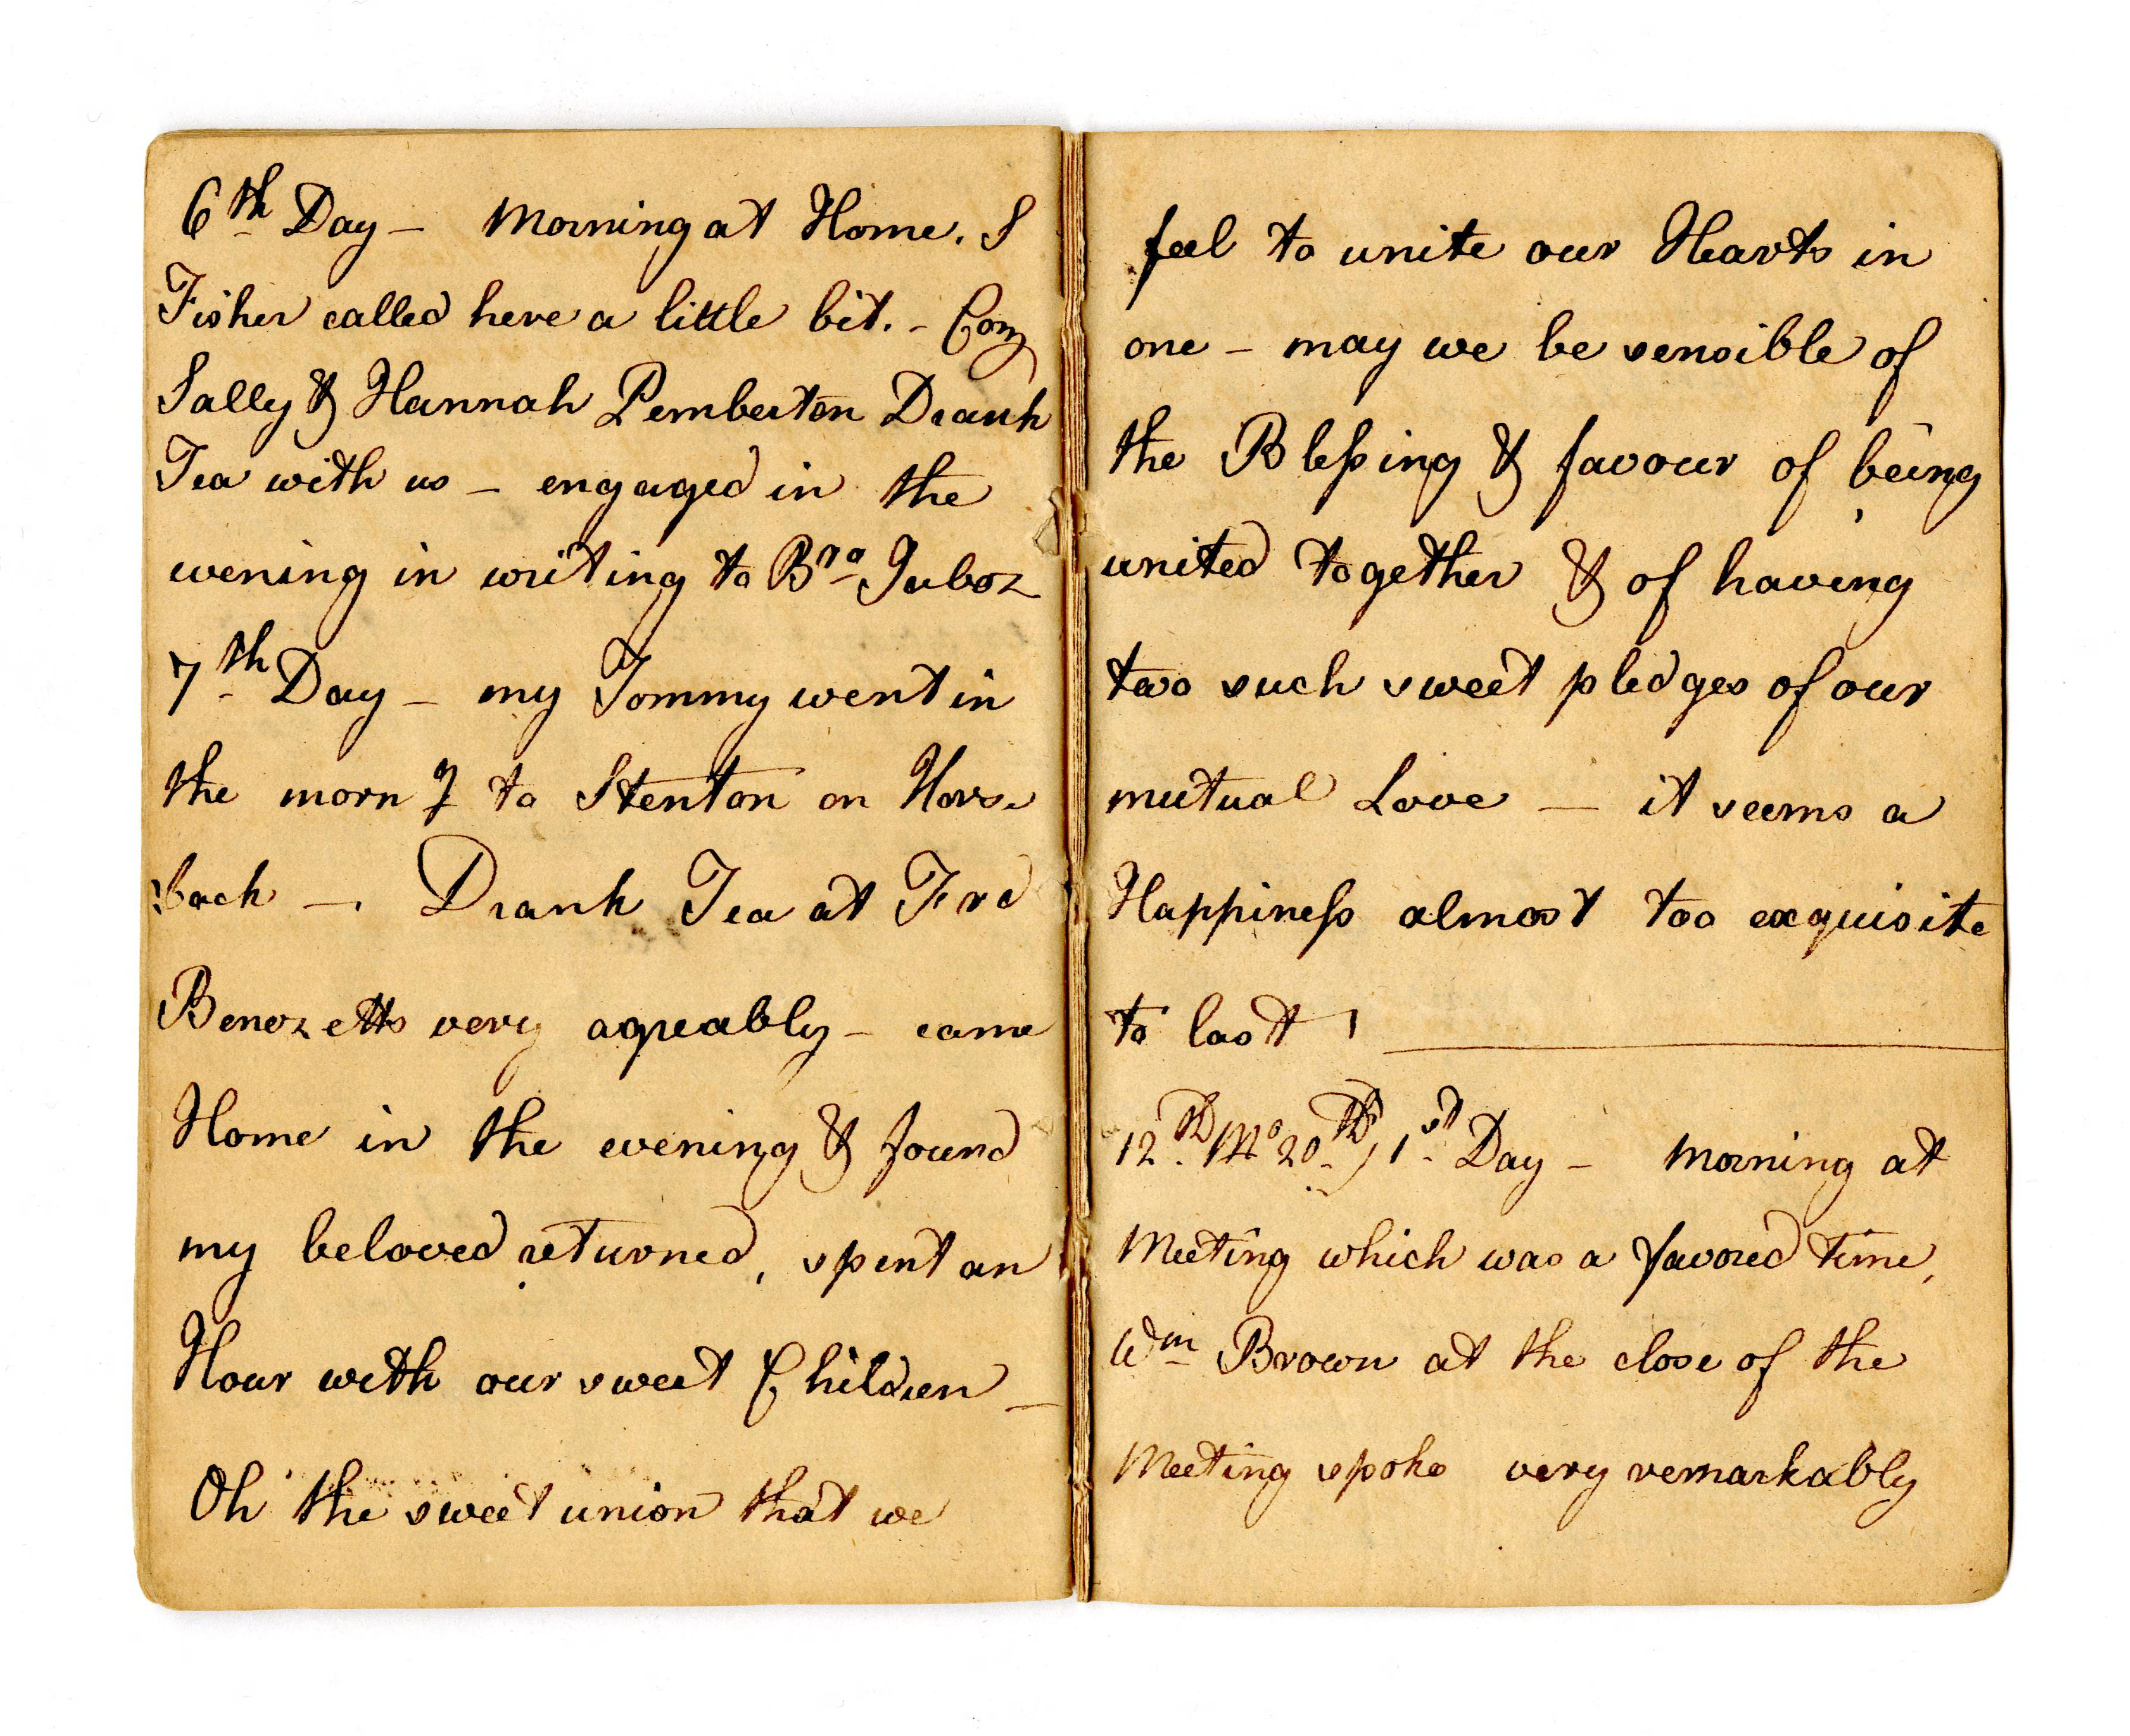6^th Day- Morning at Home, S
Fisher called here a little bit.- Coz
Sally & Hannah Pemberton Drank
Tea with us- engaged in the
evening in writing to B^ro Jabez
7^th Day- my Tommy went in
the morn^g to Stenton on Horse
-back- Drank Tea at Frd
Benezetts very agreably- came
Home in the evening & found
my beloved returned, spent an
Hour with our sweet Children-
oh the sweet union that we
feel to unite our Hearts in
one- may we be sensible of
the Blessing & favour of being
united together & of having
two such sweet pledges of our
mutual Love- it seems a
Happiness almost too exquisite
to last -
12^th M^o 20^th) 1^st Day- Morning at
Meeting which was a favored time,
W^m Brown at the close of the
Meeting spoke very remarkably